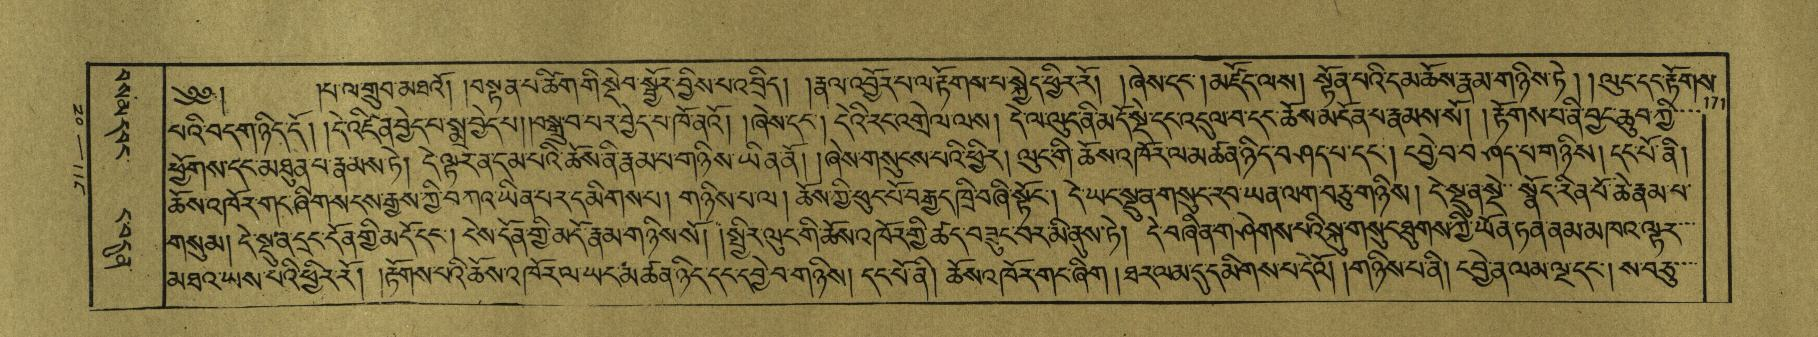༄༅། །པ་ལ་གྲུབ་མཐའོ། །བསྟན་པ་ཚིག་གི་སྡེབ་སྦྱོར་བྱིས་པ་འབྲིད། །རྣལ་འབྱོར་པ་ལ་རྟོགས་པ་སྐྱེད་ཕྱིར་རོ། །ཞེས་དང་། མཛོད་ལས། སྟོན་པའི་དམ་ཆོས་རྣམ་གཉིས་ཏེ། །ལུང་དང་རྟོགས་
པའི་བདག་ཉིད་དོ། །དེ་འཛིན་བྱེད་པ་སྨྲ་བྱེད་པ། །བསྒྲུབ་པར་བྱེད་པ་ཁོ་ནའོ། །ཞེས་དང་། དེའི་རང་འགྲེལ་ལས། དེ་ལ་ལུང་ནི་མདོ་སྡེ་དང་འདུལ་བ་དང་ཆོས་མངོན་པ་རྣམས་སོ། །རྟོགས་པ་ནི་བྱང་ཆུབ་ཀྱི་
ཕྱོགས་དང་མཐུན་པ་རྣམས་ཏེ། དེ་ལྟར་ན་དམ་པའི་ཆོས་ནི་རྣམ་པ་གཉིས་ཡིན་ནོ། །ཞེས་གསུངས་པའི་ཕྱིར། ལུང་གི་ཆོས་འཁོར་ལ་མཚན་ཉིད་བཤད་པ་དང་། དབྱེ་བ་བཤད་པ་གཉིས། དང་པོ་ནི།
ཆོས་འཁོར་གང་ཞིག་སངས་རྒྱས་ཀྱི་བཀའ་ཡིན་པར་དམིགས་པ། གཉིས་པ་ལ། ཆོས་ཀྱི་ཕུང་པོ་བརྒྱད་ཁྲི་བཞི་སྟོང་། དེ་ཡང་སྡུ་ན་གསུང་རབ་ཡན་ལག་བཅུ་གཉིས། དེ་སྡུ་ན་སྡེ་སྣོད་རིན་པོ་ཆེ་རྣམ་པ་
གསུམ། དེ་སྡུ་ན་དྲང་དོན་གྱི་མདོ་དང་། ངེས་དོན་གྱི་མདོ་རྣམ་གཉིས་སོ། །སྤྱིར་ལུང་གི་ཆོས་འཁོར་གྱི་ཚད་བཟུང་བར་མི་ནུས་ཏེ། དེ་བཞིན་གཤེགས་པའི་སྐུ་གསུང་ཐུགས་ཀྱི་ཡོན་ཏན་ནམ་མཁའ་ལྟར་
མཐའ་ཡས་པའི་ཕྱིར་རོ། །རྟོགས་པའི་ཆོས་འཁོར་ལ་ཡང་མཚན་ཉིད་དང་དབྱེ་བ་གཉིས། དང་པོ་ནི། ཆོས་འཁོར་གང་ཞིག །ཐར་ལམ་དུ་དམིགས་པ་དེའོ། །གཉིས་པ་ནི། དབྱེ་ན་ལམ་ལྔ་དང་། ས་བཅུ་